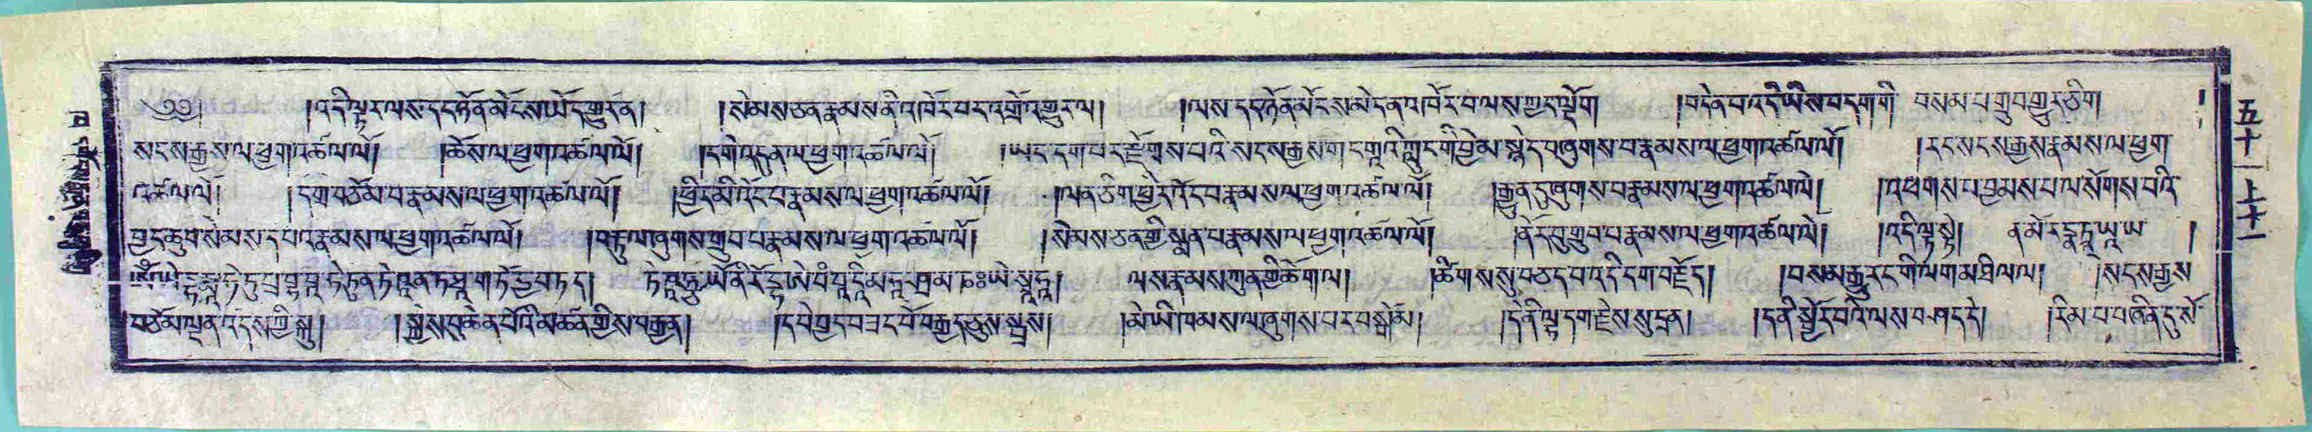།འདི་ལྟར་ལས་དང་ཉོན་མོངས་ཡོད་གྱུར་ན། །སེམས་ཅན་རྣམས་
ནི་འཁོར་བར་འགྲོ་འགྱུར་ལ། །ལས་དང་ཉོན་མོངས་མེད་ན་འཁོར་བ་ལས་ཀྱང་ལྡོག །བདེན་པ་འདི་ཡིས་བདག་གི་བསམ་པ་གྲུབ་གྱུར་ཅིག །སངས་རྒྱས་ལ་ཕྱག་འཚལ་ལོ། །ཆོས་
ལ་ཕྱག་འཚལ་ལོ། །དགེ་འདུན་ལ་ཕྱག་འཚལ་ལོ། །ཡང་དག་པར་རྫོགས་པའི་སངས་རྒྱས་གང་གཱཱི་ཀླུང་གི་བྱེ་མ་སྙེད་བཞུགས་པ་རྣམས་ལ་ཕྱག་འཚལ་ལོ། །རང་སངས་རྒྱས་
རྣམས་ལ་ཕྱག་འཚལ་ལོ། །དགྲ་བཅོམ་པ་རྣམས་ལ་ཕྱག་འཚལ་ལོ། །ཕྱིར་མི་འོང་བ་རྣམས་ལ་ཕྱག་འཚལ་ལོ། །ལན་ཅིག་ཕྱིར་འོང་བ་རྣམས་ལ་ཕྱག་འཚལ་ལོ། །རྒྱུན་དུ་ཞུགས་
པ་རྣམས་ལ་ཕྱག་འཚལ་ལོ། །འཕགས་པ་བྱམས་པ་ལ་སོགས་པའི་བྱང་ཆུབ་སེམས་དཔའ་རྣམས་ལ་ཕྱག་འཚལ་ལོ། །བརྟུལ་ཞུགས་གྲུབ་པ་རྣམས་ལ་ཕྱག་འཚལ་ལོ། །སེམས་ཅན་གྱི་སྨན་པ་རྣམས་ལ་ཕྱག་འཚལ་ལོ། །ནོར་བུ་གྲུབ་པ་རྣམས་ལ་ཕྱག་འཚལ་ལོ། །འདི་ལྟ་སྟེ། ན་མོ་རདྣ་དྲཱ་ཡཱ་ཡ། ཨོཾ་ཡེ་དྷརྨཱ་ཧེ་ཏུ་པྲ་བྷ་བཱ་ཧེ་ཏུན་ཏེ་ཥཱན་ཏ་ཐཱ་ག་ཏོ་ཧྱ་བཏད། ཏེ་ཥཱ་ཉྩ་
ཡོ་ནི་རོ་དྷ་ཨེ་བཾ་བཱ་དཱི་མ་ཧཱ་ཤྲ་མ་ཎཿ ཡེ་སྭཱ་ཧཱ། ལས་རྣམས་ཀུན་གྱི་ཆོ་ག་ལ། །ཚིགས་སུ་བཅད་པ་འདི་དག་བརྗོད། །བསམ་རྒྱུ་རང་གི་ལག་མཐིལ་ལ། །སངས་རྒྱས་བཅོམ་
ལྡན་འདས་ཀྱི་སྐུ། །སྐྱེས་བུ་ཆེན་པོའི་མཚན་གྱིས་བརྒྱན། །དཔེ་བྱད་བཟང་པོ་བརྒྱད་ཅུས་སྤྲས། །མེ་ཡི་ཁམས་ལ་ཞུགས་པར་བསྒོམ། །དེ་ནི་ལྷ་དག་རྗེས་སུ་དྲན། །ད་ནི་སྦྱོར་བའི་
ལས་བཤད་དེ། །རིམ་པ་བཞིན་དུ་སོ་